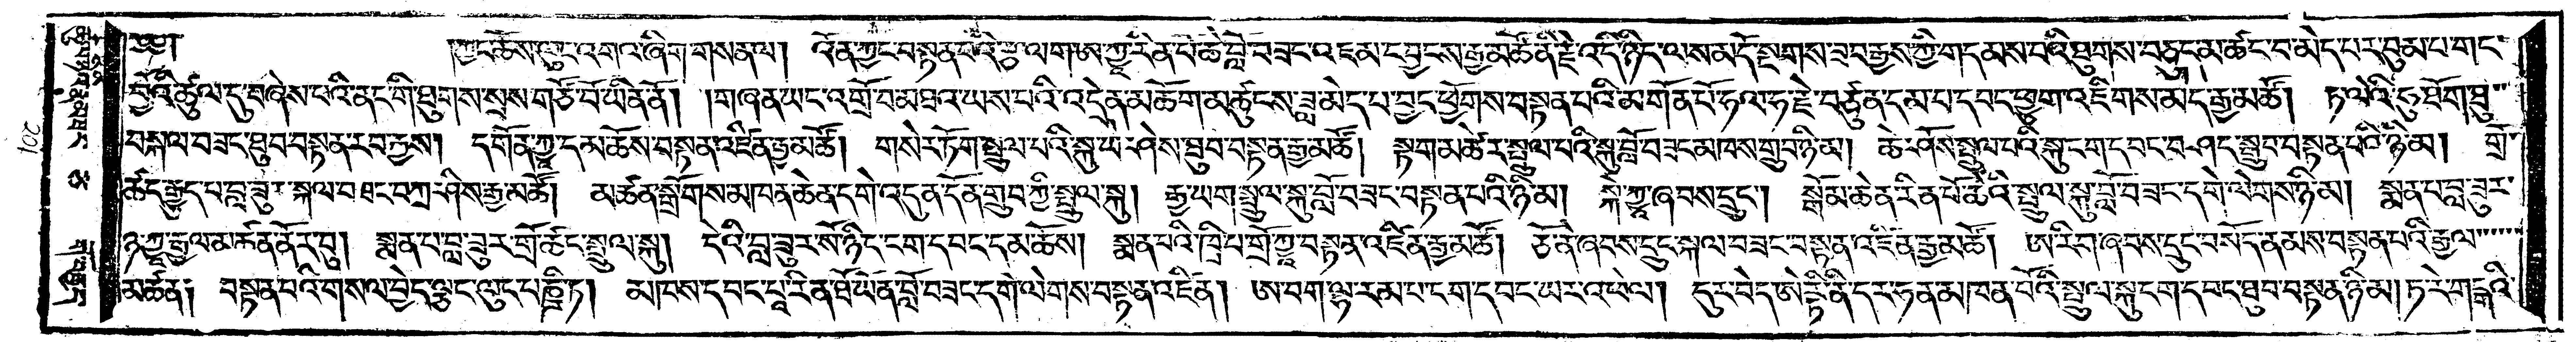༄༅། །ཀྱང་ཆོས་ལུང་འགའ་ཞིག་གསན་ལ། འོན་ཀྱང་བསྟན་པའི་རྩ་ལག་ཨ་ཀྱའ་རིན་པོ་ཆེ་བློ་བཟང་འཇམ་དབྱངས་རྒྱ་མཚོ་ནི་རྗེ་འདི་ཉིང་ལས་མདོ་སྔགས་ཟབ་རྒྱས་ཀྱི་གདམས་པའི་ཐུགས་བཅུད་མཚང་བ་མེད་བར་བུམ་པ་གང་
བྱོའི་ཚུལ་དུ་བཞེས་པའི་ནང་གི་ཐུགས་སྲས་གཙོ་བོ་ཡིན་ནོ། །གཞན་ཡང་འགྲོ་བ་མཐའ་ཡས་པའི་འདྲེན་མཆོག་མཚུངས་ཟླ་མེད་པ་བྱང་ཕྱོགས་བསྟན་པའི་མགོན་པོ་ཧཱ་ཧ་རྗེ་བཙུན་དམ་བ་དབང་ཕྱུག་འཇིགས་མེད་རྒྱ་མཚོ། ཧ་ལེའི་ཧུ་ཐོག་ཐུ་
བསྐལ་བཟང་ཐུབ་བསྟན་རབ་རྒྱས། དགོན་ཀྱའ་དམ་ཆོས་བསྟན་འཛིན་རྒྱ་མཚོ། གསེར་ཏོག་སྤྲུལ་པའི་སྐུ་ཡེ་ཤེས་ཐུབ་བསྟན་རྒྱ་མཚོ། སྟག་མཚེར་སྤྲུལ་པའི་སྐུ་བློ་བཟང་མཁས་གྲུབ་ཉི་མ། ཚེ་ཤོས་སྤྲུལ་བའི་སྐུ་ངག་དབང་བཤད་སྒྲུབ་བསྟན་པའི་ཉི་མ། གྲོ་
ཚད་རྒྱུད་པ་བླ་ཟུར་སྐལ་བཟང་བཀྲ་ཤིས་རྒྱ་མཚོ། མཚན་སྒྲོགས་མཁན་ཆེན་དགེ་འདུན་དོན་གྲུབ་ཀྱི་སྤྲུལ་སྐུ། རྒྱ་ཡག་སྤྲུལ་སྐུ་བློ་བཟང་བསྟན་པའི་ཉི་མ། སྐ་ཀྱའ་ཞབས་དྲུང་། སྒོམ་ཆེན་རིན་པོ་ཆེའི་སྤྲུལ་སྐུ་བློ་བཟང་དགེ་ལེགས་ཉི་མ། སྨན་པ་བླ་ཟུར་
ཉ་ཀྱཱ་རྒྱལ་མཚན་ནོར་བུ། སྨན་པ་བླ་ཟུར་གྲོ་ཚང་སྤྲུལ་སྐུ། དེའི་བླ་ཟུར་སོ་ཉིད་ངག་དབང་དམ་ཆོས། སྨན་པའི་ཁྲི་པ་གྲོ་ཀྱཱ་བསྟན་འཛིན་རྒྱ་མཚོ། ཅོ་ནེ་ཞབས་དྲུང་སྐལ་བཟང་བསྟན་འཛིན་རྒྱ་མཚོ། ཨ་རིག་ཞབས་དྲུང་བསོད་ནམས་བསྟན་པའི་རྒྱལ་
མཚན༑ བསྟན་བའི་གསལ་བྱེད་ལྕང་ལུང་པཎྜི་ཏ། མཁས་དབང་པཱ་རིན་ཐོ་ཡོན་བློ་བཟང་དགེ་ལེགས་བསྟན་འཛིན། ཨ་བག་ལྷ་རམ་པ་དག་དབང་ཡར་འཕེལ། དུར་བདེ་ཨེ་རྟི་ནི་དར་ཧན་མཁན་བོའི་སྤྲུལ་སྐུ་ངག་དབང་ཐུབ་བསྟན་ཉི་མ། ཧ་རེ་གདགའི་